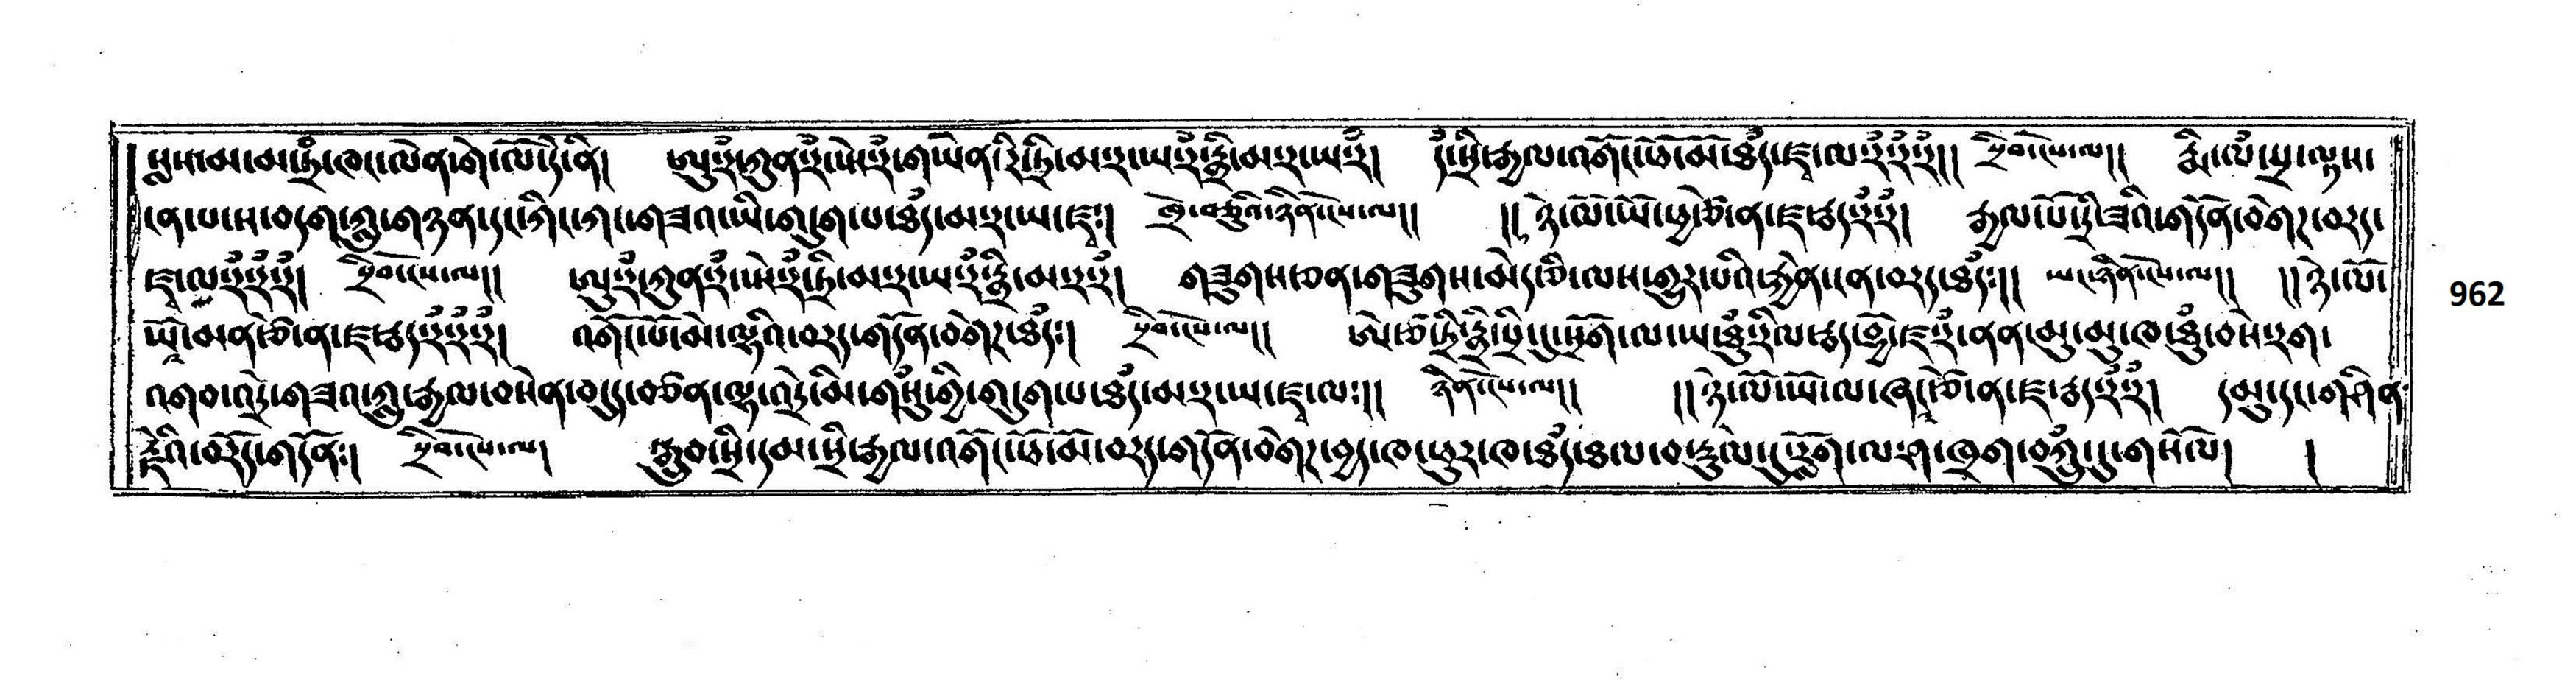སླས་མ་མ་ཏྲཾ་ཁང་ལེན་གེ་ལོ་དེ་ནི། ཨུ་རཾ་ཀུན་རཾ་སྤེ་རཾ་གཡེན་རི་ཏྲི་མ་ར་ཡ་རཾ་རྣྲི་མ་ར་ཡ་རཾ། དཾ་སྲི་རྒྱལ་འགོང་ཕོ་མོ་ཐམས་ཅད་ཛྭ་ལ་རཾ་རཾ་རཾ།། སྲིབ་ངོས་ལ།། རྨི་ལམ་པྲ་ལྟས་
ངན་པ་ས་བདག་ཀླུ་གཉན་དང་ཀིང་ཀང་གཟའ་ཡི་གདུག་པ་ཐམས་ཅད་མ་ར་ཡ་ཛྭ༴། ཁྲོ་བཅུའི་ཉིན་ངོས་ལ།། །།ཉེ་ལོ་ཡོ་ཕྱ་ཙེ་ན་ཛ་རྦད་རཾ་རཾ། རྒྱལ་པོ་དྲི་ཟའི་གདོན་བགེགས་བར་ཆད་
ཛྭ་ལ་རཾ་རཾ་རཾ། སྲིབ་ངོས་ལ།། ཨུ་རཾ་ཀུན་རཾ་སྤེ་རཾ་ཏྲི་མ་ར་ཡ་རཾ་རྣྲི་མ་ར་རཾ། གཟུགས་ཅན་གཟུགས་མེད་ཅི་ལས་གྱུར་པའི་རྐྱེན་ངན་བར་ཆད་ཐམས་ཅད༴།། ཡང་ཉིན་ངོས་ལ།། །།ཉེ་ལོ་
ཡོ་མན་ཙེ་ན་ཛ་རྦད་རཾ་རཾ་རཾ། འགོང་པོ་མེ་ལྷའི་བར་ཆད་གདོན་བགེགས་ཐམས་ཅད༴། སྲིབ་ངོས་ལ།། ཨེ་ཙ་ཏྲི་རྣྲི་པྲི་དུ་སྲོག་ལ་ཡ་ཐུཾ་རིལ་རྦད་བྷྱོ་ཛ་རཾ་ནན་མུ་མུ་ཁ་ཐུཾ་བསེ་རག་
འགབ་འདྲེ་གཟའ་ཀླུ་རྒྱལ་བསེན་བདུད་བཙན་ལྷ་འདྲེ་མི་གསུམ་གྱི་གདུག་པ་ཐམས་ཅད་མ་ར་ཡ་ཛྭ་ལ༴།། ཉིན་ངོས་ལ།། །།ཉེ་ལོ་ཡོ་ལ་ཞང་ཙེ་ན་ཛ་རྦད་རཾ་རཾ། དམུ་དང་གཤིན་
རྗེའི་བར་ཆོད་གདོན༴། སྲིབ་ངོས་ལ། སྒྲུབ་སྲི་དམ་སྲི་རྒྱལ་འགོང་ཕོ་མོ་བར་ཆད་གདོན་བགེགས་བྱད་ཁ་ཕུར་ཁ་ཐམས་ཅད་ཐལ་བ་རྡུལ་དུ་རློག་ལ་ཤ་ཁྲག་བཀྲུམ་དུ་གསོལ། །